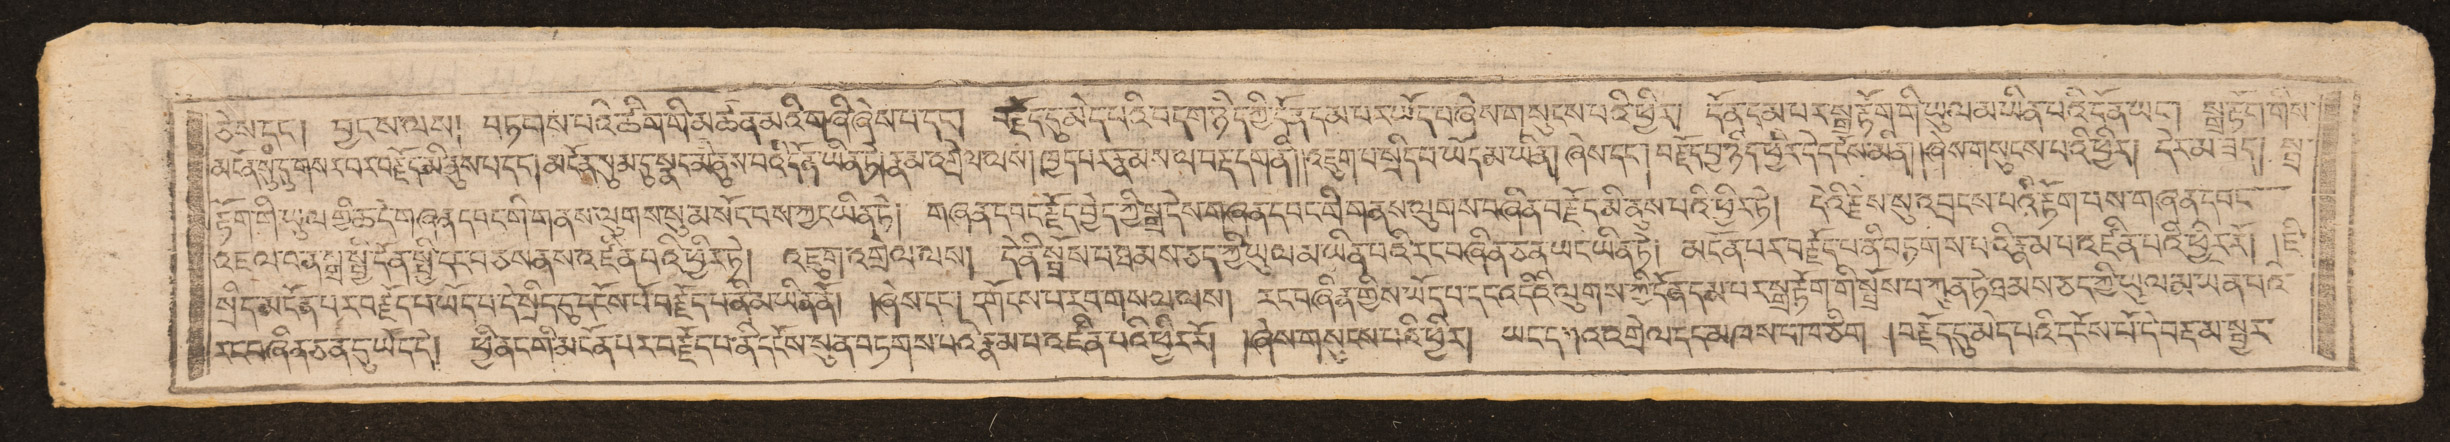ཅེས་དང་། བྱང་ས་ལས། བཏགས་པའི་ཚིག་གི་མཚན་མའི་གཞི་ཞེས་པ་དང་། བརྗོད་དུ་མེད་པའི་བདག་ཉིད་ཀྱི་དོན་དམ་པར་ཡོད་པ་ཞེས་གསུངས་པའི་ཕྱིར། དོན་དམ་པར་སྒྲ་རྟོག་གི་ཡུལ་མ་ཡིན་པའི་དོན་ཡང་། སྒྲ་རྟོག་གིས་
མངོན་སུམ་དུ་གསར་བར་བརྗོད་མི་ནུས་པ་དང་། མངོན་སུམ་དུ་སྣང་མི་ནུས་པའི་དོན་ཡིན་ཏེ། རྣམ་འགྲེལ་ལས། ཁྱད་པར་རྣམས་ལ་བརྡ་དག་ནི། འཇུག་པ་སྲིད་པ་ཡོད་མ་ཡིན། ཞེས་དང་། བརྗོད་བྱ་ཉིད་ཕྱིར་དེ་དངོས་མིན། །ཞེས་གསུངས་པའི་ཕྱིར། དེར་མ་ཟད། སྒྲ་
རྟོག་གི་ཡུལ་གྱི་ཆ་དེ་གཞན་དབང་གི་གནས་ལུགས་སུམ་སོང་བས་ཀྱང་ཡིན་ཏེ། གཞན་དབང་རྗོད་བྱེད་ཀྱི་སྒྲ་དེས་གཞན་དབང་གི་གནས་ལུགས་བཞིན་བརྗོད་མི་ནུས་པའི་ཕྱིར་ཏེ། དེའི་རྗེས་སུ་འབྲངས་པའི་རྟོག་པས་གཞན་དབང་
འཇལ་བ་ན་སྒྲ་སྤྱི་དོན་སྤྱི་དང་བཅས་ནས་འཛིན་པའི་ཕྱིར་ཏེ། འཇུག་འགྲེལ་ལས། དེ་ནི་སྤྲོས་པ་ཐམས་ཅད་ཀྱི་ཡུལ་མ་ཡིན་པའི་རང་བཞིན་ཅན་ཡང་ཡིན་ཏེ། མངོན་པར་བརྗོད་པ་ནི་བཏགས་པའི་རྣམ་པ་འཛིན་པའི་ཕྱིར་རོ། །ཇི་
སྲིད་མངོན་པར་བརྗོད་པ་ཡོད་པ་དེ་སྲིད་དུ་དངོས་པོ་བརྗོད་པ་ནི་མ་ཡིན་ནོ། །ཞེས་དང་། དགོངས་པ་རབ་གསལ་ལས། རང་བཞིན་གྱིས་ཡོད་པ་དང་འདིའི་ལུགས་ཀྱི་དོན་དམ་པར་སྒྲ་རྟོག་གི་སྤྲོས་པ་ཀུན་ཏེ་ཐམས་ཅད་ཀྱི་ཡུལ་མ་ཡིན་པའི་
རང་བཞིན་ཅན་དུ་ཡོད་དེ། ཕྱི་ནང་གི་མངོན་པར་བརྗོད་པ་ནི་དངོས་སུན་བཏགས་པའི་རྣམ་པ་འཛིན་པའི་ཕྱིར་རོ། །ཞེས་གསུངས་པའི་ཕྱིར། ཡང་དཀའ་འགྲེལ་དང་མཁས་པ་ཁ་ཅིག །བརྗོད་དུ་མེད་པའི་དངོས་པོ་དེ་བརྡ་མ་སྦྱར་